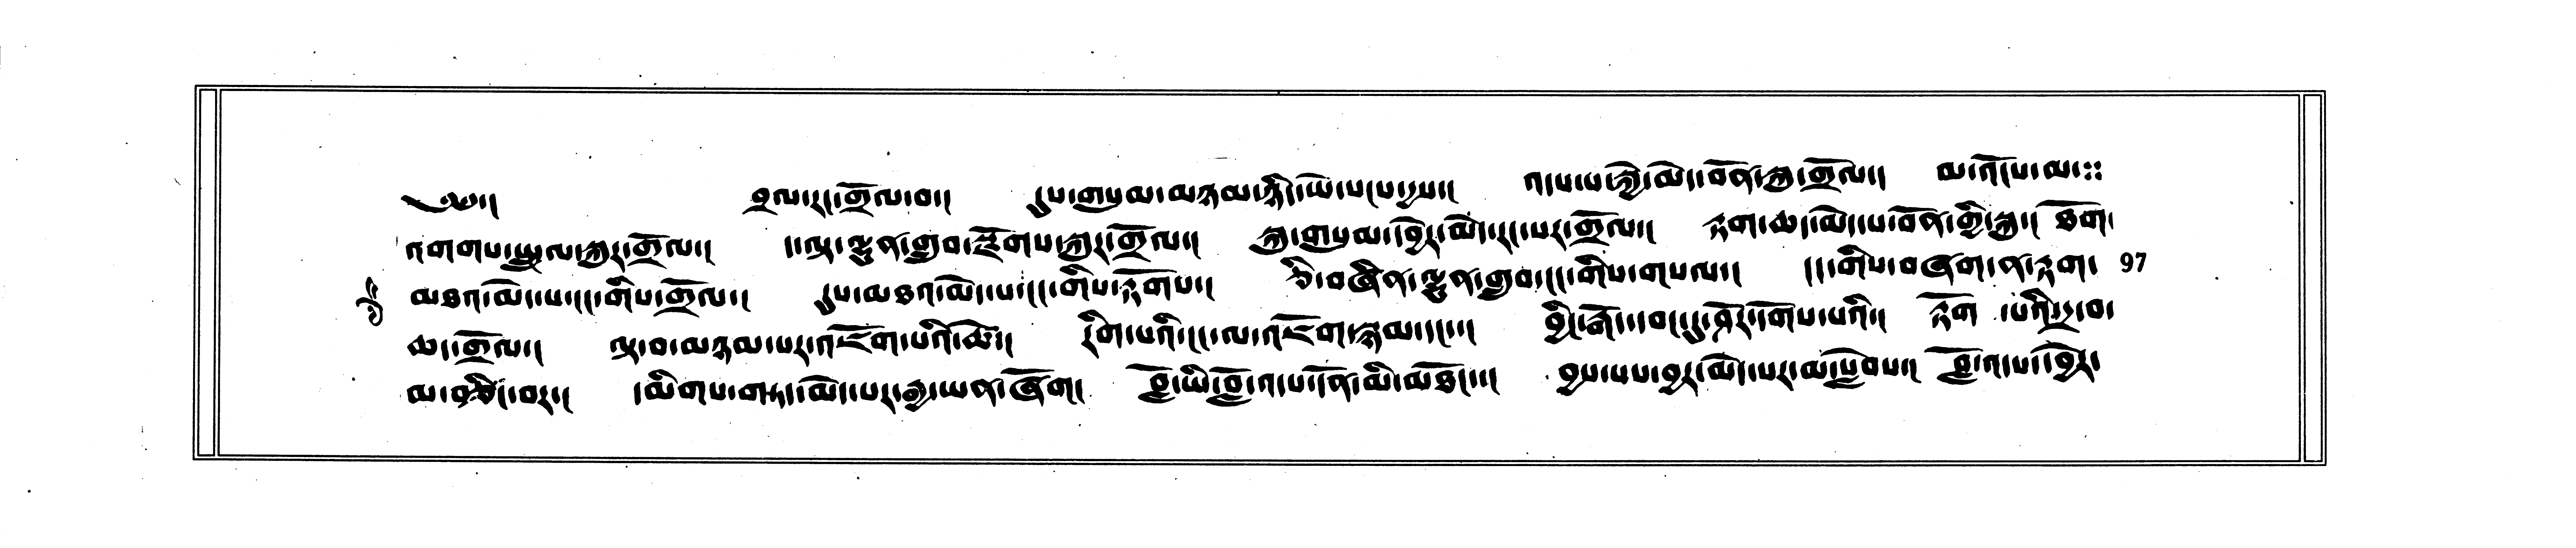བྲལ་རང་གྲོལ་བ། །དུས་གསུམ་མཉམ་ཉིད་ཡེ་སངས་རྒྱས། །འདས་པ་སྐྱེ་མེད་བོན་སྐུ་གྲོལ། །མ་འོངས་མ་
འགག་སྤྲུལ་སྐུར་གྲོལ། །ད་ལྟ་ལྷུན་གྲུབ་རྫོགས་སྐུར་གྲོལ། །སྐུ་གསུམ་དབྱེར་མེད་རང་སར་གྲོལ། །རྟག་ཆད་མེད་པ་བོན་གྱི་སྐུ། །ཐོག་
མཐའ་མེད་པ་ངང་གིས་གྲོལ། །དུས་མཐའ་མེད་པ་ངང་གིས་རྟོགས། །ཅི་བཞིན་ལྷུན་གྲུབ་ངང་གིས་གསལ། །ངང་གིས་བཞག་ན་རྟག་
ཆད་གྲོལ། །ལྟ་བ་མཉམ་པར་འཇོག་པའི་ཚེ། །རིག་པའི་ངང་ལ་འཇོག་སྙམ་དང་། །བྱིང་རྒོད་དབང་དུ་ཤོར་དྭོགས་པའི། །རྟོག་པའི་དྲ་བ་
མ་བཅིང་བར། །དམིགས་གཏད་མེད་པར་རྒྱ་ཡན་ཞོག །བློ་ཡིས་བློ་འདས་དོན་མི་མཐོང་། །བྱས་ཀྱང་བྱར་མེད་སར་མི་སླེབས། །བློ་འདས་དབྱེར་